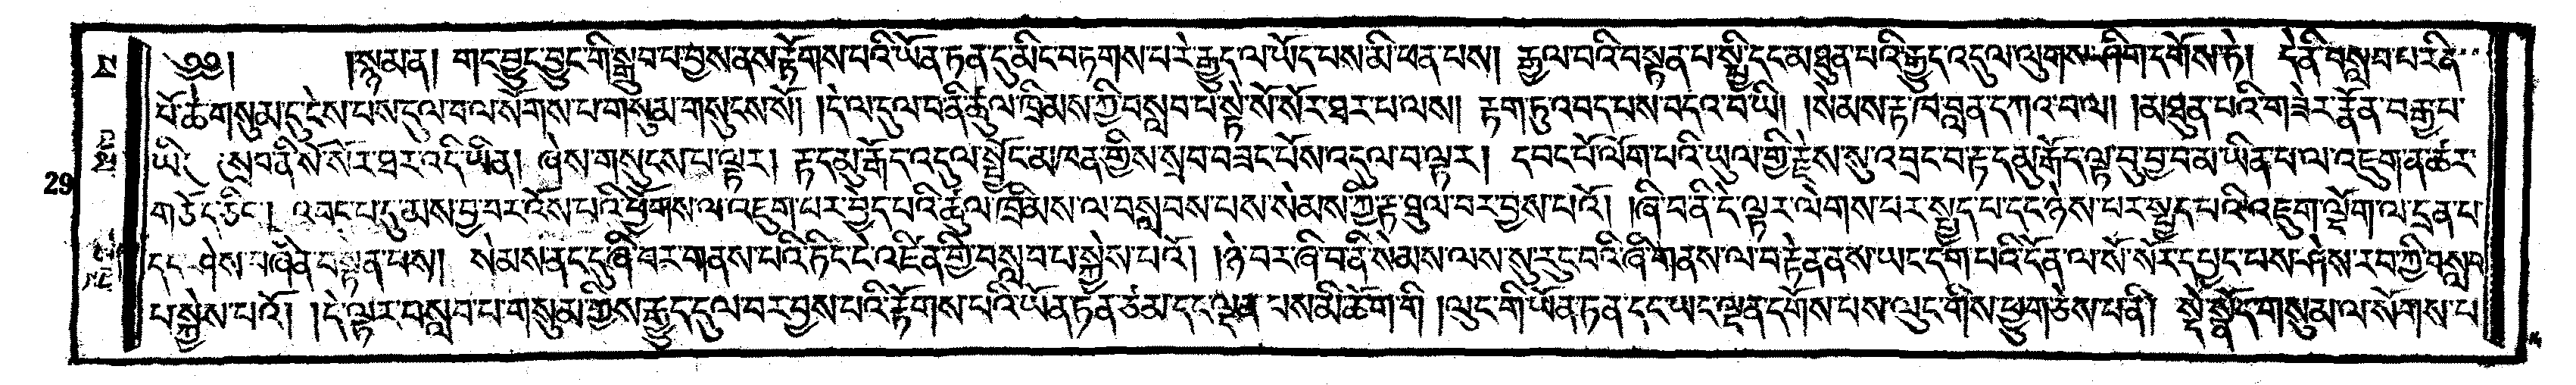༄༅། །སྙམ་ན། གང་བྱུང་བྱུང་གི་སྒྲུབ་པ་བྱས་ནས་རྟོགས་པའི་ཡོན་ཏན་དུ་མིང་བཏགས་པ་རེ་རྒྱུད་ལ་ཡོད་པས་མི་ཕན་པས། རྒྱལ་བའི་བསྟན་པ་སྤྱི་དང་མཐུན་པའི་རྒྱུད་འདུལ་ལུགས་ཤིག་དགོས་ཏེ། དེ་ནི་བསླབ་པར་ནི་
པོ་ཆེ་གསུམ་དུ་ངེས་པས་དུལ་བ་ལ་སོགས་པ་གསུམ་གསུངས་སོ། །དེ་ལ་དུལ་བ་ནི་ཚུལ་ཁྲིམས་ཀྱི་བསླབ་པ་སྟེ་སོ་སོར་ཐར་པ་ལས། རྟག་ཏུ་འབད་པས་བདའ་བ་ཡི། །སེམས་རྟ་ཁ་བླན་དཀའ་བ་ལ། །མཐུན་པའི་གཟེར་རྣོན་བརྒྱ་པ་
ཡི༑ ༑སྲབ་ནི་སོ་སོར་ཐར་འདི་ཡིན། ཞེས་གསུངས་པ་ལྟར། རྟ་དམུ་རྒོད་འདུལ་སྦྱོང་མཁན་གྱིས་སྲབ་བཟང་པོས་འདུལ་བ་ལྟར། དབང་པོ་ལོག་པའི་ཡུལ་གྱི་རྗེས་སུ་འབྲང་བ་རྟ་དམུ་རྒོད་ལྟ་བུ་བྱ་བ་མ་ཡིན་པ་ལ་འཇུག་ན་ཚར་
གཅོད་ཅིང་། འབང་པ་དུ་མས་བྱ་བར་འོས་པའི་ཕྱོགས་ལ་འཇུག་པར་བྱེད་པའི་ཚུལ་ཁྲིམས་ལ་བསླབས་པས་སེམས་ཀྱི་རྟ་ཐུལ་བར་བྱས་པའོ། །ཞི་བ་ནི་དེ་ལྟར་ལེགས་པར་སྤྱད་པ་དང་ཉེས་པར་སྤྱད་པའི་འཇུག་ལྡོག་ལ་དྲན་པ་
དང་ཤེས་བཞིན་བསྟན་པས། སེམས་ནང་དུ་ཞི་བར་གནས་པའི་ཏིང་ངེ་འཛིན་གྱི་བསླབ་པ་སྐྱེས་པའོ། །ཉེ་བར་ཞི་བ་ནི་སེམས་ལས་སུ་རུང་བའི་ཞི་གནས་ལ་བརྟེན་ནས་ཡང་དག་པའི་དོན་ལ་སོ་སོར་དཔྱད་པས་ཤེས་རབ་ཀྱི་བསླབ་
པ་སྐྱེས་པའོ། །དེ་ལྟར་བསླབ་པ་གསུམ་གྱིས་རྒྱུད་དུལ་བར་བྱས་པའི་རྟོགས་པའི་ཡོན་ཏན་ཙམ་དང་ལྡན་པས་མི་ཆོག་གི །ལུང་གི་ཡོན་ཏན་དང་ཡང་ལྡན་དགོས་པས་ལུང་གིས་ཕྱུག་ཅེས་པ་ནི། སྡེ་སྣོད་གསུམ་ལ་སོགས་པ་